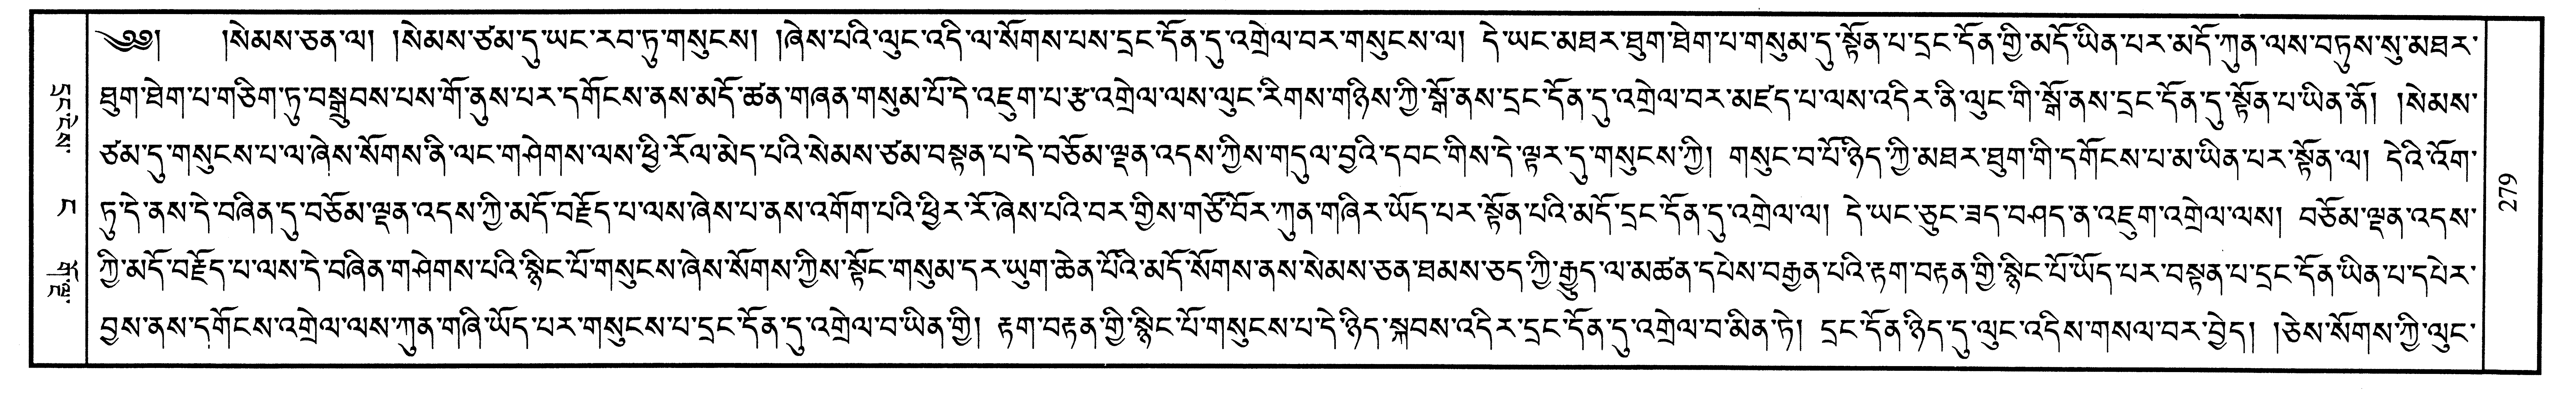༄༅། །སེམས་ཅན་ལ། །སེམས་ཙམ་དུ་ཡང་རབ་ཏུ་གསུངས། །ཞེས་པའི་ལུང་འདི་ལ་སོགས་པས་དྲང་དོན་དུ་འགྲེལ་བར་གསུངས་ལ། དེ་ཡང་མཐར་ཐུག་ཐེག་པ་གསུམ་དུ་སྟོན་པ་དྲང་དོན་གྱི་མདོ་ཡིན་པར་མདོ་ཀུན་ལས་བཏུས་སུ་མཐར་
ཐུག་ཐེག་པ་གཅིག་ཏུ་བསྒྲུབས་པས་གོ་ནུས་པར་དགོངས་ནས་མདོ་ཚན་གཞན་གསུམ་པོ་དེ་འཇུག་པ་རྩ་འགྲེལ་ལས་ལུང་རིགས་གཉིས་ཀྱི་སྒོ་ནས་དྲང་དོན་དུ་འགྲེལ་བར་མཛད་པ་ལས་འདིར་ནི་ལུང་གི་སྒོ་ནས་དྲང་དོན་དུ་སྟོན་པ་ཡིན་ནོ། །སེམས་
ཙམ་དུ་གསུངས་པ་ལ་ཞེས་སོགས་ནི་ལང་གཤེགས་ལས་ཕྱི་རོལ་མེད་པའི་སེམས་ཙམ་བསྟན་པ་དེ་བཅོམ་ལྡན་འདས་ཀྱིས་གདུལ་བྱའི་དབང་གིས་དེ་ལྟར་དུ་གསུངས་ཀྱི། གསུང་བ་པོ་ཉིད་ཀྱི་མཐར་ཐུག་གི་དགོངས་པ་མ་ཡིན་པར་སྟོན་ལ། དེའི་འོག་
ཏུ་དེ་ནས་དེ་བཞིན་དུ་བཅོམ་ལྡན་འདས་ཀྱི་མདོ་བརྗོད་པ་ལས་ཞེས་པ་ནས་འགོག་པའི་ཕྱིར་རོ་ཞེས་པའི་བར་གྱིས་གཙོ་བོར་ཀུན་གཞིར་ཡོད་པར་སྟོན་པའི་མདོ་དྲང་དོན་དུ་འགྲེལ་ལ། དེ་ཡང་ཅུང་ཟད་བཤད་ན་འཇུག་འགྲེལ་ལས། བཅོམ་ལྡན་འདས་
ཀྱི་མདོ་བརྗོད་པ་ལས་དེ་བཞིན་གཤེགས་པའི་སྙིང་པོ་གསུངས་ཞེས་སོགས་ཀྱིས་སྟོང་གསུམ་དར་ཡུག་ཆེན་པོའི་མདོ་སོགས་ནས་སེམས་ཅན་ཐམས་ཅད་ཀྱི་རྒྱུད་ལ་མཚན་དཔེས་བརྒྱན་པའི་རྟག་བརྟན་གྱི་སྙིང་པོ་ཡོད་པར་བསྟན་པ་དྲང་དོན་ཡིན་པ་དཔེར་
བྱས་ནས་དགོངས་འགྲེལ་ལས་ཀུན་གཞི་ཡོད་པར་གསུངས་པ་དྲང་དོན་དུ་འགྲེལ་བ་ཡིན་གྱི། རྟག་བརྟན་གྱི་སྙིང་པོ་གསུངས་པ་དེ་ཉིད་སྐབས་འདིར་དྲང་དོན་དུ་འགྲེལ་བ་མིན་ཏེ། དྲང་དོན་ཉིད་དུ་ལུང་འདིས་གསལ་བར་བྱེད། །ཅེས་སོགས་ཀྱི་ལུང་